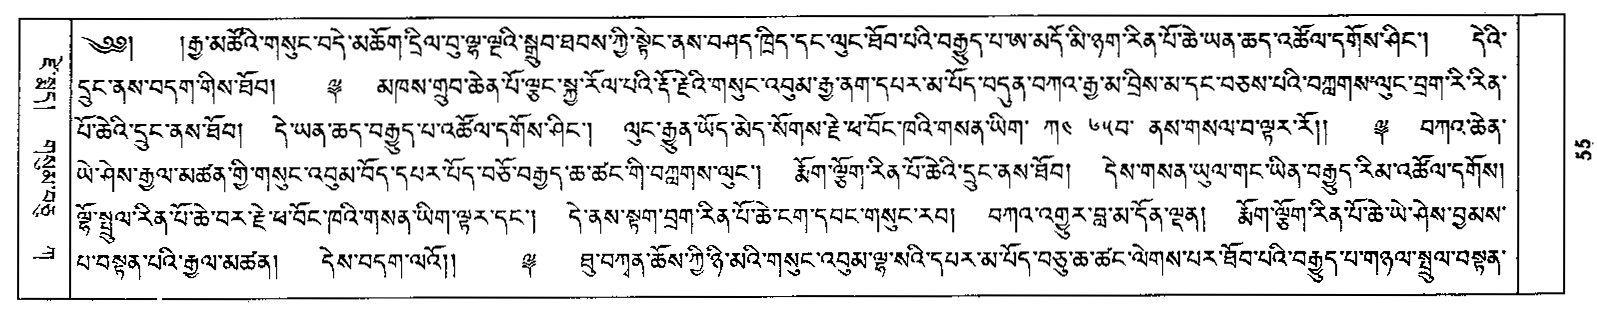༄༅། །རྒྱ་མཚོའི་གསུང་བདེ་མཆོག་དྲིལ་བུ་ལྷ་ལྔའི་སྒྲུབ་ཐབས་ཀྱི་སྟེང་ནས་བཤད་ཁྲིད་དང་ལུང་ཐོབ་པའི་བརྒྱུད་པ་ཨ་མདོ་མི་ཉག་རིན་པོ་ཆེ་ཡན་ཆད་འཚོལ་དགོས་ཤིང་། དེའི་
དྲུང་ནས་བདག་གིས་ཐོབ། ༈ མཁས་གྲུབ་ཆེན་པོ་ལྕང་སྐྱ་རོལ་པའི་རྡོ་རྗེའི་གསུང་འབུམ་རྒྱ་ནག་དཔར་མ་པོད་བདུན་བཀའ་རྒྱ་མ་བྲིས་མ་དང་བཅས་པའི་བཀླགས་ལུང་བྲག་རི་རིན་
པོ་ཆེའི་དྲུང་ནས་ཐོབ། དེ་ཡན་ཆད་བརྒྱུད་པ་འཚོལ་དགོས་ཤིང་། ལུང་རྒྱུན་ཡོད་མེད་སོགས་རྗེ་ཕ་བོང་ཁའི་གསན་ཡིག་ཀ ༤ ༦༥་བ་ནས་གསལ་བ་ལྟར་རོ།། ༈ བཀའ་ཆེན་
ཡེ་ཤེས་རྒྱལ་མཚན་གྱི་གསུང་འབུམ་བོད་དཔར་པོད་བཅོ་བརྒྱད་ཆ་ཚང་གི་བཀླགས་ལུང་། རྨོག་ལྕོག་རིན་པོ་ཆེའི་དྲུང་ནས་ཐོབ། དེས་གསན་ཡུལ་གང་ཡིན་བརྒྱུད་རིམ་འཚོལ་དགོས།
ལྷོ་སྤྲུལ་རིན་པོ་ཆེ་བར་རྗེ་ཕ་བོང་ཁའི་གསན་ཡིག་ལྟར་དང་། དེ་ནས་སྟག་བྲག་རིན་པོ་ཆེ་ངག་དབང་གསུང་རབ། བཀའ་འགྱུར་བླ་མ་དོན་ལྡན། རྨོག་ལྕོག་རིན་པོ་ཆེ་ཡེ་ཤེས་བྱམས་
པ་བསྟན་པའི་རྒྱལ་མཚན། དེས་བདག་ལའོ།། ༈ ཐུ་བཀྭན་ཆོས་ཀྱི་ཉི་མའི་གསུང་འབུམ་ལྷ་སའི་དཔར་མ་པོད་བཅུ་ཆ་ཚང་ལེགས་པར་ཐོབ་པའི་བརྒྱུད་པ་གཉལ་སྤྲུལ་བསྟན་